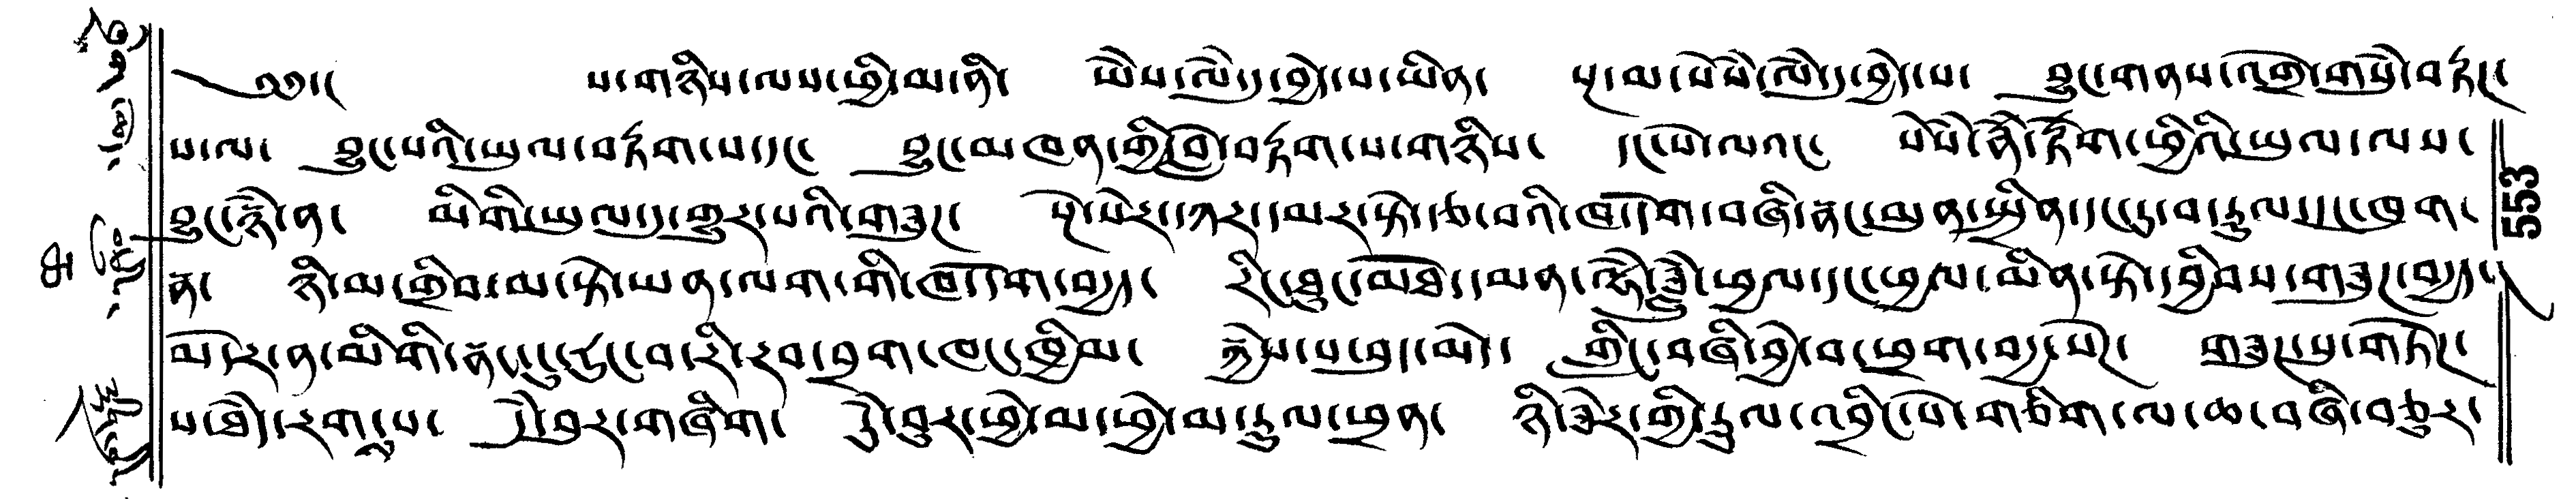པ་གཉིས་ལས་ཕྱི་མ་ནི། ཡེ་ཤེས་ལམ་དུ་བྱེད་པ་ཡིན། སྔ་མ་སེམས་ལམ་དུ་བྱེད་པོའི་བྱུང་གནས་འགྲོ་གསུམ་བརྟག་
པ་ལ། འབྱུང་སའི་ཡུལ་བརྟག་པ་དང་། བྱུང་མཁན་གྱི་བློ་བརྟག་པ་གཉིས། དང་པོ་ལའང་། སེམས་རྣམ་རྟོག་ཕྱིའི་ཡུལ་ལས་
བྱུང་སྙམ་ན། མིག་གི་ཡུལ་དུ་གྱུར་པའི་གཟུགས། སྔོ་སེར་དཀར་དམར་སྟེ་རྩ་བའི་ཁ་དོག་བཞི། སྣང་མུན་སྤྲིན་དང་དུ་བ་རྡུལ་དང་ཁུག་
སྣ། ཉི་མ་གྲིབ་མ་སྟེ་ཡན་ལག་གི་ཁ་དོག་བརྒྱད། རིང་ཐུང་མཆོག་དམན་ལྷམ་ཟླུམ་ཕྱལ་དང་ཕྱལ་མིན་སྟེ་དབྱིབས་གཟུགས་བརྒྱད། 
མདོར་ན་མིག་གིས་སྣང་དུ་རུང་བ་རི་རྭ་བ་བྲག་ཁང་ཁྱིམ། སྐྱེས་པ་བུད་མེད། གླིང་བཞི་བྱེ་བ་ཕྲག་བརྒྱ་སོགས། གཟུགས་སུ་གཏོགས་
པ་ཐམས་ཅད་རགས་པ་དུམ་བུར་བཤྀགདུམ་བུ་ཕྱེ་མར་ཕྱེ་མ་རྡུལ་ཕྲན། ཉི་ཟེར་གྱི་རྡུལ་འབྲིང་པོ་གཅིག་ལ་ཆ་བཞི་བཅུར་